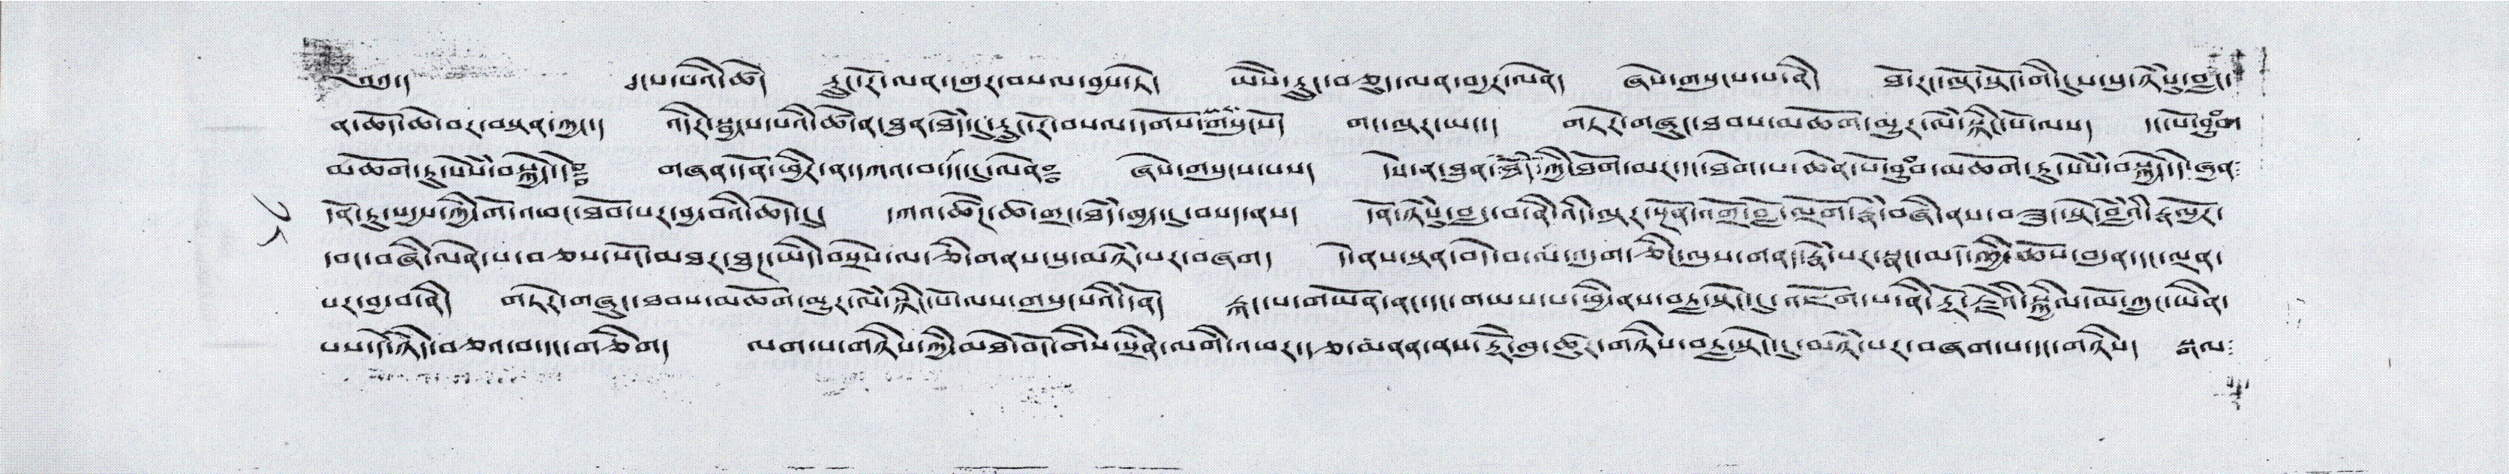དྭངས་པའི་ཚེ། རླུང་རོ་ལན་དགུར་བསལ་བྱས་ཏེ། ཡེ་ཤེས་རླུང་བཅུད་ལན་བརྒྱར་ལེན། ཞེས་གསུངས་པ་ནི། ཐོ་རངས་ལྟོ་སྟོང་གི་དུས་སུ་ཉམས་སུ་བླང་
ན་བར་ཆོད་ཆེ་བར་བསྟན་ཀྱང་། འདིར་སྦྱངས་པའི་ཚེ་ན་ཐུན་ཐམས་ཅད་དུ་རླུང་རོ་བསལ་དགོས་གསུངས་སོ། གང་ལྟར་ཡང་། གཏེར་གཞུང་ཐབས་མཆོག་མྱུར་ལམ་སྙིང་པོ་ལས། དང་པོ་བྱང་ཆུབ་
མཆོག་ཏུ་སེམས་བསྐྱེད་དེཿ གཞན་དོན་ཕྱིར་ན་དཀའ་བ་དང་དུ་ལེནཿ ཞེས་གསུངས་པས། དེས་ན་ཐུན་ཐམས་ཅད་ཀྱི་ཐོག་མར་དང་ཐེག་པ་ཆེན་པོ་བྱང་ཆུབ་མཆོག་ཏུ་སེམས་བསྐྱེད་དེ་གཞན་
དོན་དུ་སངས་རྒྱས་ཀྱི་གོ་འཕང་འཐོབ་པར་བྱ་བའི་ཆེད་དུ། དཀའ་ཚེགས་ཚ་གྲང་ཐམས་ཅད་ཁྱད་དུ་བསད་ནས། དོན་ཉམས་སུ་བླང་བ་ནི་འདི་ལྟར། སྔོན་འགྲོ་བློ་ལྡོག་རྣམ་བཞི་ནས་བཟུང་སྟེ་བླ་མའི་རྣལ་འབྱོར་
དབང་བཞི་ལེན་པ་བཅས་སོགས་མཐར་ཐུག་ཡིད་བསྲེས་ལ་ཅི་གནས་ངང་མཉམ་པར་བཞག དེ་ནས་སྟན་བདེ་བ་ལ་འདུག་ཅིང་ལུས་གནད་རྣམ་པར་སྣང་མཛད་ཀྱི་ཆོས་བདུན་དང་ལྡན་
པར་བྱ་བ་ནི། གཏེར་གཞུང་ཐབས་མཆོག་མྱུར་ལམ་སྙིང་པོ་ལས་གསུངས་པའི་དོན། རྐང་པ་གཡོན་ནང་དང་གཡས་པ་ཕྱི་ནས་བརླ་སྟེང་དུ་འཇོག་པ་ནི་རྡོ་རྗེའ་སྐྱིལ་མོ་ཀྲུང་ཡིན་
པས་དེ་ཉིད་བཅའ་བ་དང་གཅིག ལག་པ་གཉིས་ཀྱི་མཐེ་བོང་གིས་སྲིན་ལག་གི་འཕར་རྩ་མནན་རྡོ་རྗེ་ཁུ་ཚུར་བརླ་སྟེང་དུ་མཉམ་པར་བཞག་པ་དང་གཉིས། སྒལ་